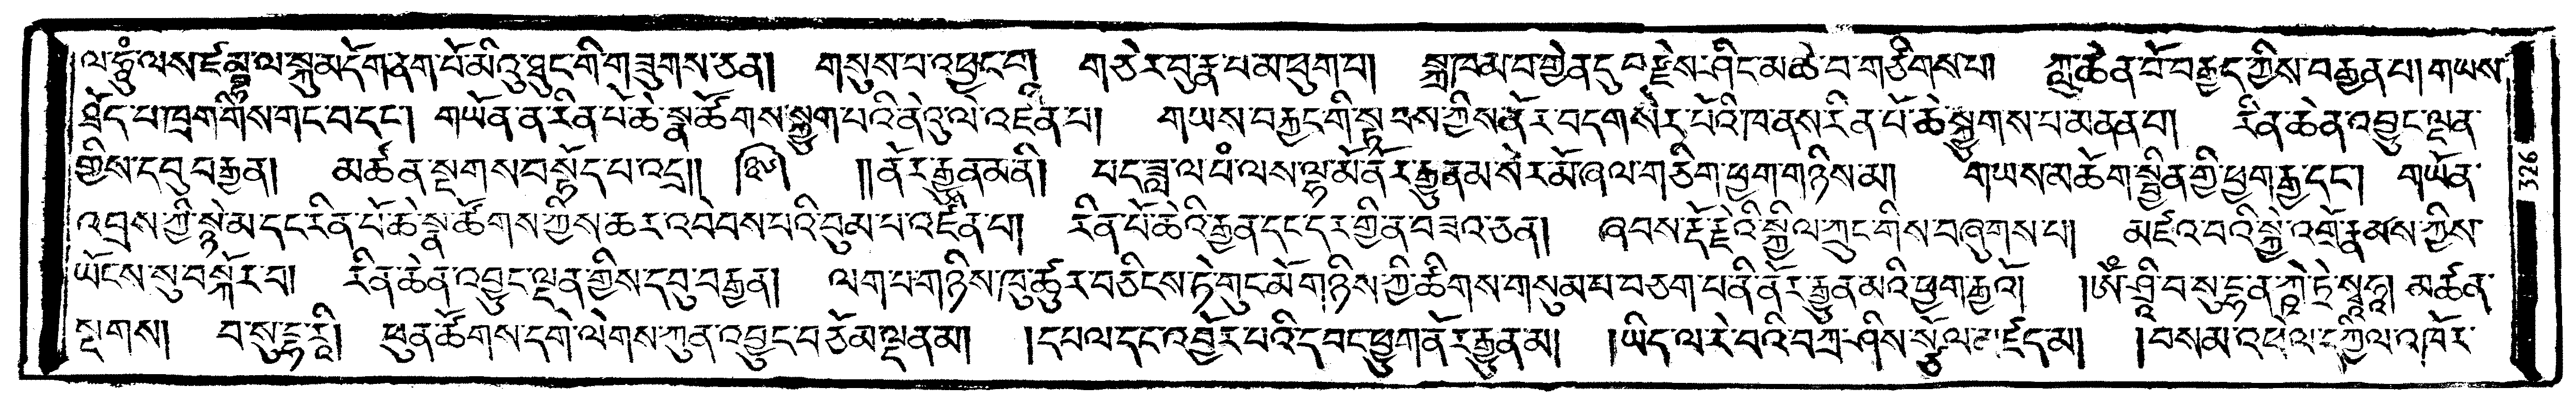ལ་ཧཱུཾ་ལས་ཛམྦྷ་ལ་སྐུ་མདོག་ནག་པོ་མིའུ་ཐུང་གི་གཟུགས་ཅན། གསུས་པ་འཕྱང་བ། གཅེར་བུ་རྣ་བ་མ་ཕུག་པ། སྐྲ་ཁམ་པ་གྱེན་དུ་བརྫེས་ཤིང་མཆེ་བ་གཙིགས་པ། ཀླུ་ཆེན་པོ་བརྒྱད་ཀྱིས་བརྒྱན་པ། གཡས་
ཐོད་པ་ཁྲག་གིས་གང་བ་དང་། གཡོན་ན་རིན་པོ་ཆེ་སྣ་ཚོགས་སྐྱུག་པའི་ནེའུ་ལེ་འཛིན་པ། གཡས་བརྐྱང་གི་སྟབས་ཀྱིས་ནོར་བདག་སེར་པོའི་ཁ་ནས་རིན་པོ་ཆེ་སྐྱུགས་པ་མནན་པ། རིན་ཆེན་འབྱུང་ལྡན་
གྱིས་དབུ་བརྒྱན། མཚན་སྔགས་བསྟོད་པ་འདྲ།། ༣༦?་།།ནོར་རྒྱུན་མ་ནི། པད་ཟླ་ལ་པཾ་ལས་ལྷ་མོ་ནོར་རྒྱུན་མ་སེར་མོ་ཞལ་གཅིག་ཕྱག་གཉིས་མ། གཡས་མཆོག་སྦྱིན་གྱི་ཕྱག་རྒྱ་དང་། གཡོན་
འབྲས་ཀྱི་སྙེ་མ་དང་རིན་པོ་ཆེ་སྣ་ཚོགས་ཀྱིས་ཆར་འབེབས་པའི་བུམ་པ་འཛིན་པ། རིན་པོ་ཆེའི་རྒྱན་དང་དར་གྱི་ན་བཟའ་ཅན། ཞབས་རྡོ་རྗེའི་སྐྱིལ་ཀྲུང་གིས་བཞུགས་པ། མཛའ་བའི་སྐྱེ་འགྲོ་རྣམས་ཀྱིས་
ཡོངས་སུ་བསྐོར་བ། རིན་ཆེན་འབྱུང་ལྡན་གྱིས་དབུ་བརྒྱན། ལག་པ་གཉིས་ཁུ་ཚུར་བཅིངས་ཏེ་གུང་མོ་གཉིས་ཀྱི་ཚིགས་གསུམ་པ་བཅག་པ་ནི་ནི་ནོར་རྒྱུན་མའི་ཕྱག་རྒྱའོ། །ཨོཾ་ཤྲཱི་བ་སུ་དྷ་ན་ཀྵེ་ཏྲེ་སྭཱཧཱ། མཚན་
སྔགས། བ་སུ་དྷ་རཱི། ཕུན་ཚོགས་དགེ་ལེགས་ཀུན་འབྱུང་བཅོམ་ལྡན་མ། །དཔལ་དང་འབྱོར་པའི་དབང་ཕྱུག་ནོར་རྒྱུན་མ། །ཡིད་ལ་རེ་བའི་བཀྲ་ཤིས་སྩོལ་མཛད་མ། །བསམ་འཕེལ་དཀྱིལ་འཁོར་